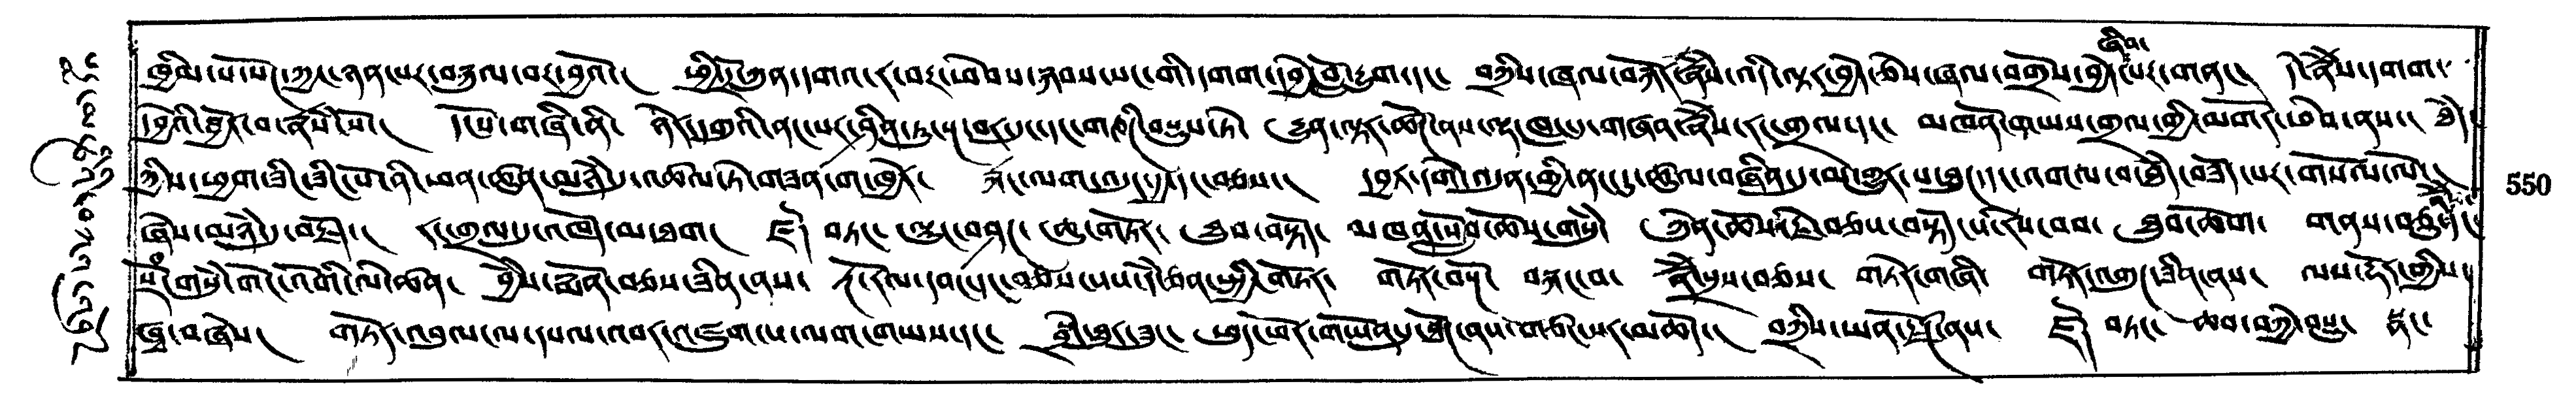ཁྱིམ་པ་སོགས་ཀྱང་ཉན་པར་བསྐུལ་བར་བྱའོ།། ཕྱི་དྲོ་ཀུན་དགའ་ར་བར་ཕེབས་སྐབས་སང་གི་དགག་དབྱེ་བློ་རྒྱུགས་དང་། བཀྲ་ཤིས་ཞལ་བསྐོར་རྣམས་འདི་ལྟར་བྱེད་ཅེས་ཞལ་བགྲོས་ཞིབ་པར་གནང་། དེ་རྣམས་དགག་
དབྱེའི་སྦྱོར་བ་རྣམས་སོ། ། དངོས་གཞི་ནི། ཉེར་དགུའི་ནང་པར་ཤིན་ཏུ་སྔ་བར་དུང་དང་གཎྜིས་བསྡུས་ཏེ། རྒྱུན་ལྟར་ཚོགས་ནས་ལྷ་ཁང་དུ་གཞན་རྣམས་རང་གྲལ་དང་། མཁན་པོ་གཡས་གྲལ་གྱི་འགོར་ཕེབས་ནས། ཐམས་ཅད་
ཀྱིས་ཕྱག་ཟིང་ཟིང་པོ་ནི་ཕན་ཚུན་མཉམ་དུ་འཚལ་ཏེ་གཟན་གལ་ཁྱེར། རྐང་ལག་འདུད་རྒྱ་དང་བཅས།དབྱར་དགེ་འདུན་གྱི་ནང་དུ་ཚུལ་བཞིན་དུ་མ་གྱུར་པ་ཐུགས་དང་འགལ་བ་ཐམས་ཅད་བཟོད་པར་གསོལ་ལོ།། 
ཞེས་མཉམ་དུ་བརྗོད། རང་གྲལ་དུ་འཁོད་མ་ཐག་ཇ༽བཏང་། ལྟུང་བཤགས། ཆུ་གཏོར། ཐུབ་བསྟོད། མཁན་སློབ་ཆོས་གསུམ། ཀུན་མཁྱེན་ཆོས་རྗེ་བཅས་བསྟོད་པ་རེས་བབ། ཐུབ་ཆོག གནས་བཅུ་རྣམས་དང་། 
སྡོམ་གསུམ་གོང་འོག་གི་ལེ་ཚན། བྱམས་སྨོན་བཅས་ཟིན་ནས། རྔ་རོལ་དབྱངས་དང་བཅས་པས་དམ་ཅན་སྤྱི་གཏོར། གཏོར་བསྔོ། བསྐང་བ། རྣམ་སྲས་བཅས། གཏེར་གཞི། གཏོར་འགུགས་ཟིན་ནས། ལས་རྡོར་གྱིས་
ཞྭ་བཞེས། གཏོར་འབུལ་ལ་དཔལ་འབར་བཙུགས་པ་ལག་གཡས་དང་། སྦྲེང་ཐུར་ཟུང་། ཕུད་ཕོར་གཡོན་དུ་ཐོགས་ནས་གཙང་སར་མཆོད། བཀྲ་ཤིས་ཡན་རྫོགས་ནས། ཇ༽ བཏང་། ཆབ་བཀྱེ་བསྡུ། སྣང་